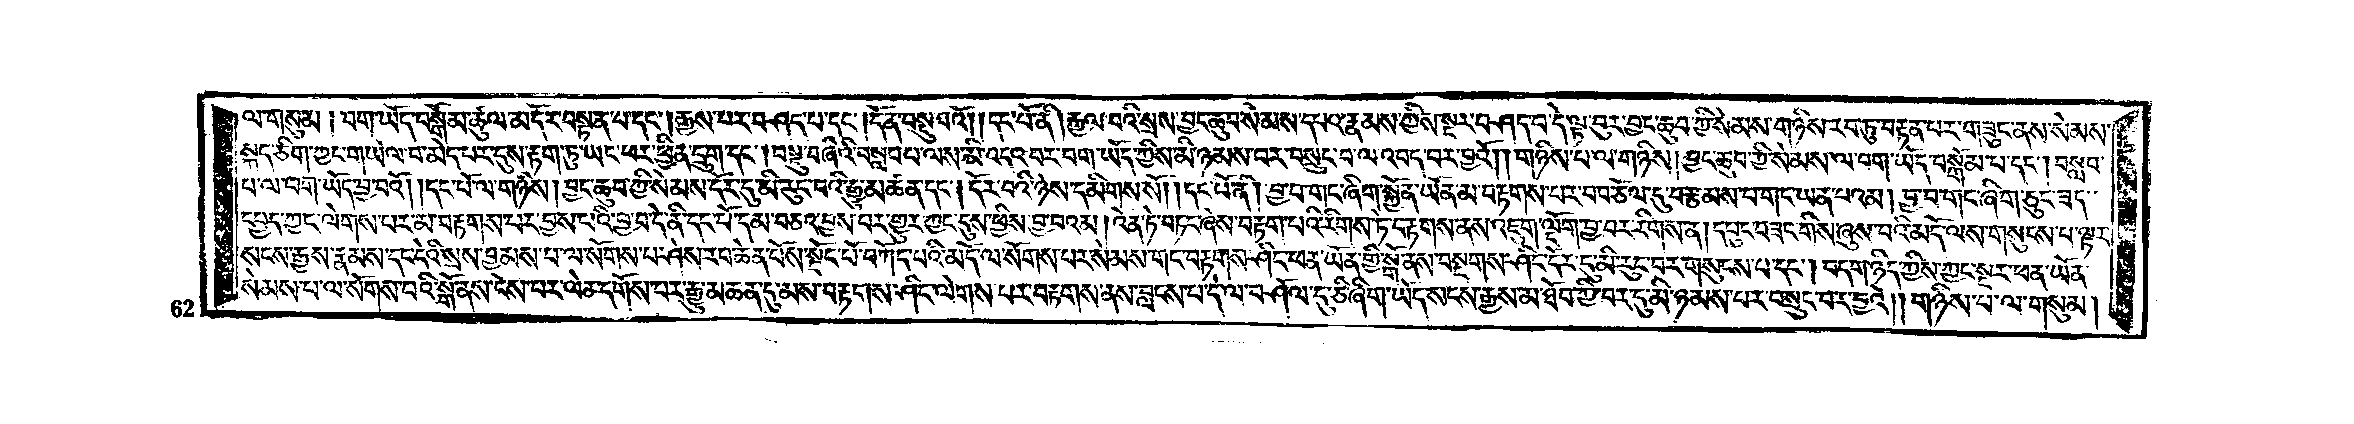ལ་གསུམ། བག་ཡོད་བསྒོམ་ཚུལ་མདོར་བསྟན་པ་དང་། རྒྱས་པར་བཤད་པ་དང་། དོན་བསྡུ་བའོ། །དང་པོ་ནི། གྱལ་བའི་སྲས་བྱང་ཆུབ་སེམས་དཔའ་རྣམས་ཀྱིས་སྔར་བཤད་པ་དེ་ལྟ་བུར་བྱང་ཆུབ་ཀྱི་སེམས་གཉིས་རབ་ཏུ་བརྟན་པར་གཟུང་ནས་སེམས་
སྐད་ཅིག་ཀྱང་གཡེལ་བ་མེད་པར་དུས་རྟག་ཏུ་ཡང་ཕར་ཕྱིན་དྲུག་དང་། བསྡུ་བཞིའི་བསླབ་པ་ལས་མི་འདའ་བར་བག་ཡོད་ཀྱིས་མི་ཉམས་པར་བསྲུང་བ་ལ་འབད་པར་བྱའོ། །གཉིས་པ་ལ་གཉིས། བྱང་ཆུབ་ཀྱི་སེམས་ལ་བག་ཡོད་བསྒོམ་པ་དང་། བསླབ་
པ་ལ་བག་ཡོད་བྱ་བའོ། །དང་པོ་ལ་གཉིས། བྱང་ཆུབ་ཀྱི་སེམས་དོར་དུ་མི་རུང་བའི་རྒྱུ་མཚན་དང་། དོར་བའི་ཉེས་དམིགས་སོ། །དང་པོ་ནི། བྱ་བ་གང་ཞིག་སྐྱོན་ཡོན་མ་བརྟགས་པར་བབ་ཅོལ་དུ་བརྩམས་པ་གང་ཡན་པའམ། བྱ་བ་གང་ཞིག་ཅུང་ཟད་
དཔྱད་ཀྱང་ལེགས་པར་མ་བརྟགས་པར་བྱས་པའི་བྱ་བ་དེ་ནི་དང་པོ་དམ་བཅའ་བྱས་པར་གྱུར་ཀྱང་དུས་ཕྱིས་བྱ་བའམ། འོན་ཏེ་བཏང་ཞེས་བརྟག་པའི་རིགས་ཏེ་ད་རྟགས་ནས་འཇུག་ལྡོག་བྱ་བར་རིགས་ན། དཔུང་བཟང་གི་ཞུས་པའི་མདོ་ལས་གསུངས་པ་ལྟར་
སངས་རྒྱས་རྣམས་དང་དེའི་སྲས་བྱམས་པ་ལ་སོགས་པ་ཤེས་རབ་ཆེན་པོས་སྡོང་པོ་བཀོད་པའི་མདོ་ལ་སོགས་པར་སེམས་གང་བརྟགས་ཤིང་ཕན་ཡོན་གྱི་སྒོ་ནས་བསྔགས་ཤིང་དོར་དུ་མི་རུང་བར་གསུངས་པ་དང་། བདག་ཉིད་ཀྱིས་ཀྱང་སྔར་ཕན་ཡོན་
སེམས་པ་ལ་སོགས་པའི་སྒོ་ནས་ངེས་པར་ལེན་དགོས་པར་རྒྱུ་མཚན་དུ་མས་བརྟགས་ཤིང་ལེགས་པར་བརྟགས་ནས་བླངས་པ་དེ་ལ་བཤོལ་དུ་ཅི་ཞིག་ཡོད་སངས་རྒྱས་མ་ཐོབ་ཀྱི་བར་དུ་མི་ཉམས་པར་བསྲུང་བར་བྱའོ། །གཉིས་པ་ལ་གསུམ།